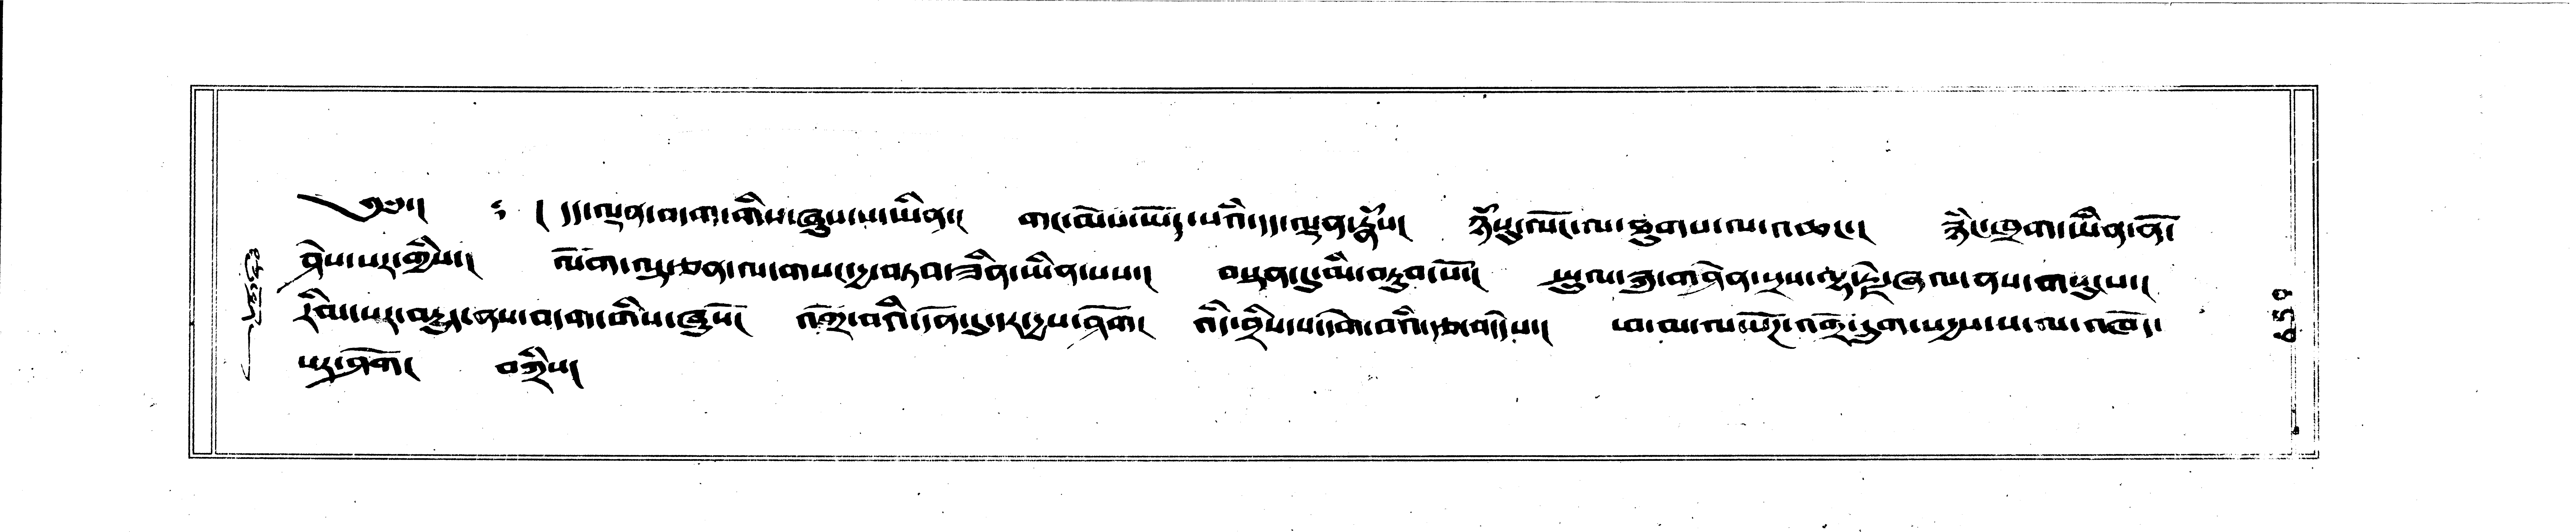དད་ལྡན་བདག་གིས་ཞུས་པ་ཡིན། གོ་མྱོང་ཡོད་པའི་གང་ཟག་དད་ལྡན་རྣམས། ཉམས་སུ་ལོང་ཅིག ཐུགས་སུ་འཆོང་ཅིག སྙིང་ཁྲག་ཡིན་ནོ་
ཤེས་པར་གྱིས་ཤིག ལོག་ལྟ་ཅན་ལ་གསང་རྒྱས་བཏབ་སིན་པས། གསུང་ཟིན་ཡིན་པས་བསྟན་དུ་མི་བཏུབ། “སྤྲུལ་སྐུ་གཤེན་སྲས་ལྷ་རྗེ་ཞལ་ནས་གསུངས། 
རིམ་པར་བརྒྱུད་ནས་བདག་ཞུས་སོ། འགྲོ་བའི་དོན་དུ་དར་རྒྱས་ཤོག འདི་བྲིས་པ་དགེ་བའི་རྩ་བ་དེས། ཕ་མ་ལ་སོགས་འགྲོ་དྲུག་སངས་རྒྱས་ས་ལ་འཁོད་
པར་ཤོག བཀྲ་ཤིས།”ཨུ་ཡ་ཨག་ཐམ་རྒྱ་རྒྱ་རྒྱ། བླ་ཆེན་དྲན་པ་ནམ་མཁལ་ལ། གཤེན་སྲས་ལྷ་རྗེས་ཞུས། དེ་ལ་བདག་ཐུགས་རྗེ་རྒྱལ་མཚན་གྱིས་ཞུག་༼ཞུས༽། བླ་མ་ཐུགས་ལ་བཏགས་ན་ངོ་སྤྲོད་དབང་ཀ་རྗེས་གནང་དང་བཅས་པ་བདག་ལ་གནང་། ཞུས་སོ། དེ་ལ་སྐལ་བཟངས་ཀྱི་ཞུས། དད་ལྡན་རྣམས་ལ་བསྟན་པའི་རྗེས་གནས་མཛད་པའོ།